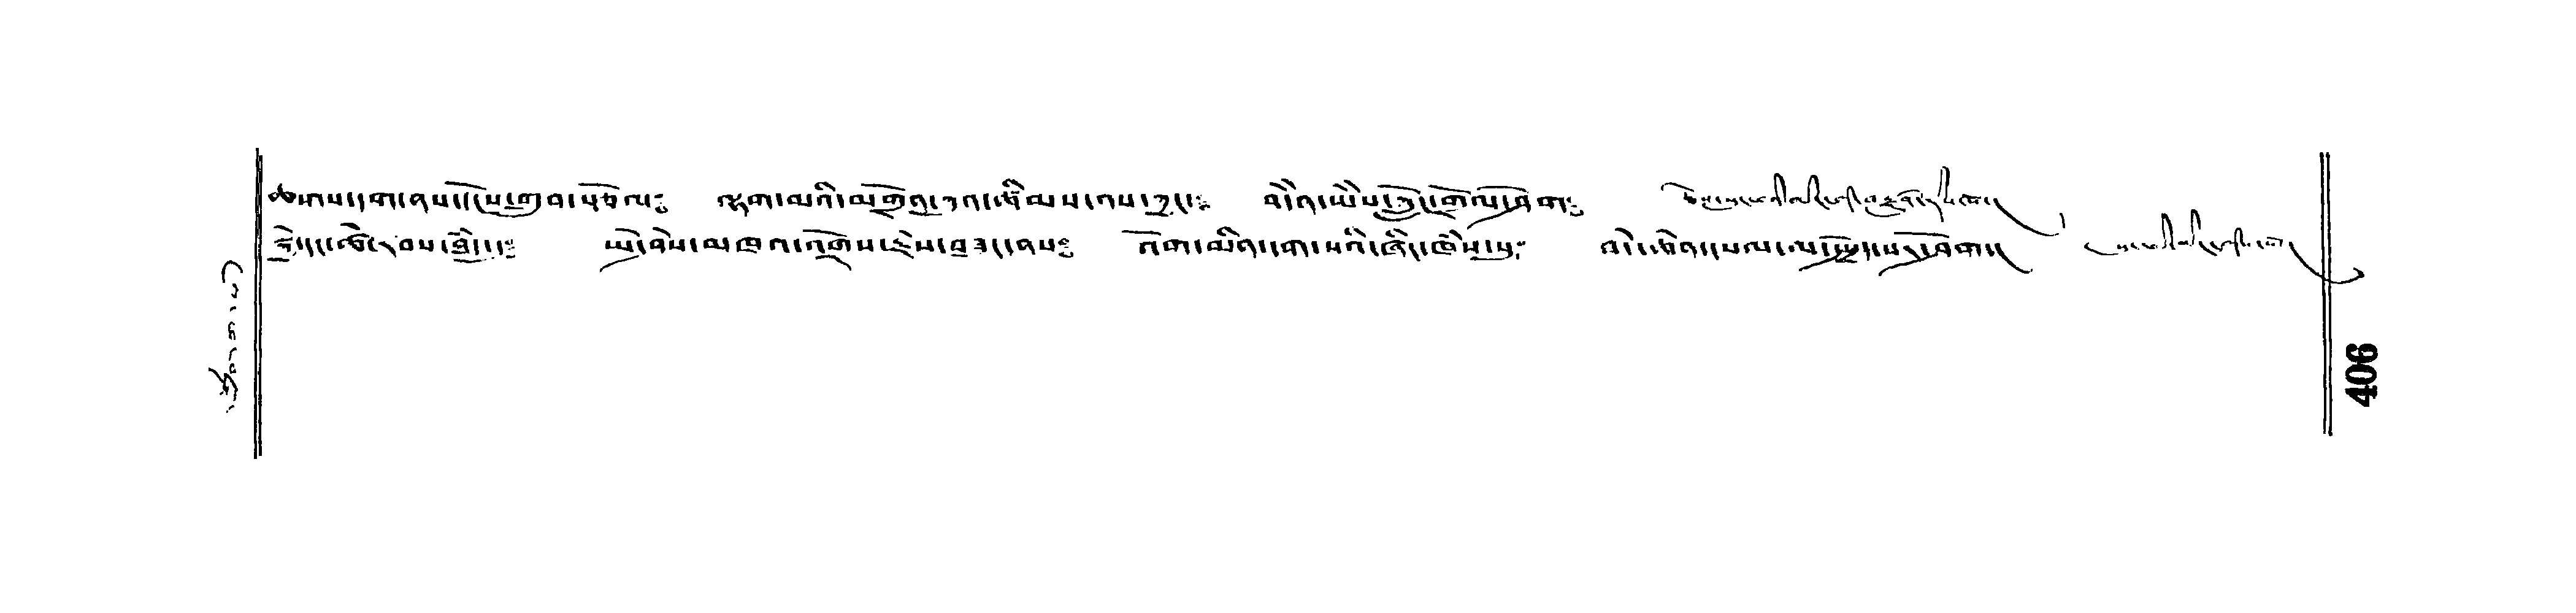ཆགས་དག་ནས་དངོས་གྲུབ་སྩོལ༔ ལྷག་མའི་མགྲོན་ཀུན་ཚིམས་ནས་ཀྱང༔ བདེ་ཆེན་ཡེ་ཤེས་ཀློང་གྲོལ་ཤོག༔ ཅེས་སུ་ཁའི་མིང་གི་བརྫུན་རིས་སོ།། 
སྐྱེ་དང་ཚེ་རབས་ཐམས་ཅད་དུ༔ ཡེ་ཤེས་མཁའ་འགྲོས་རྗེས་བཟུང་ནས༔ འོག་མིན་དག་པའི་ཞིང་ཁམས་སུ༔ བདེ་ཆེན་དཔལ་ལ་སྤྱོད་པར་ཤོག༔ སུ་ཁའི་མིང་གིས་སོ།།